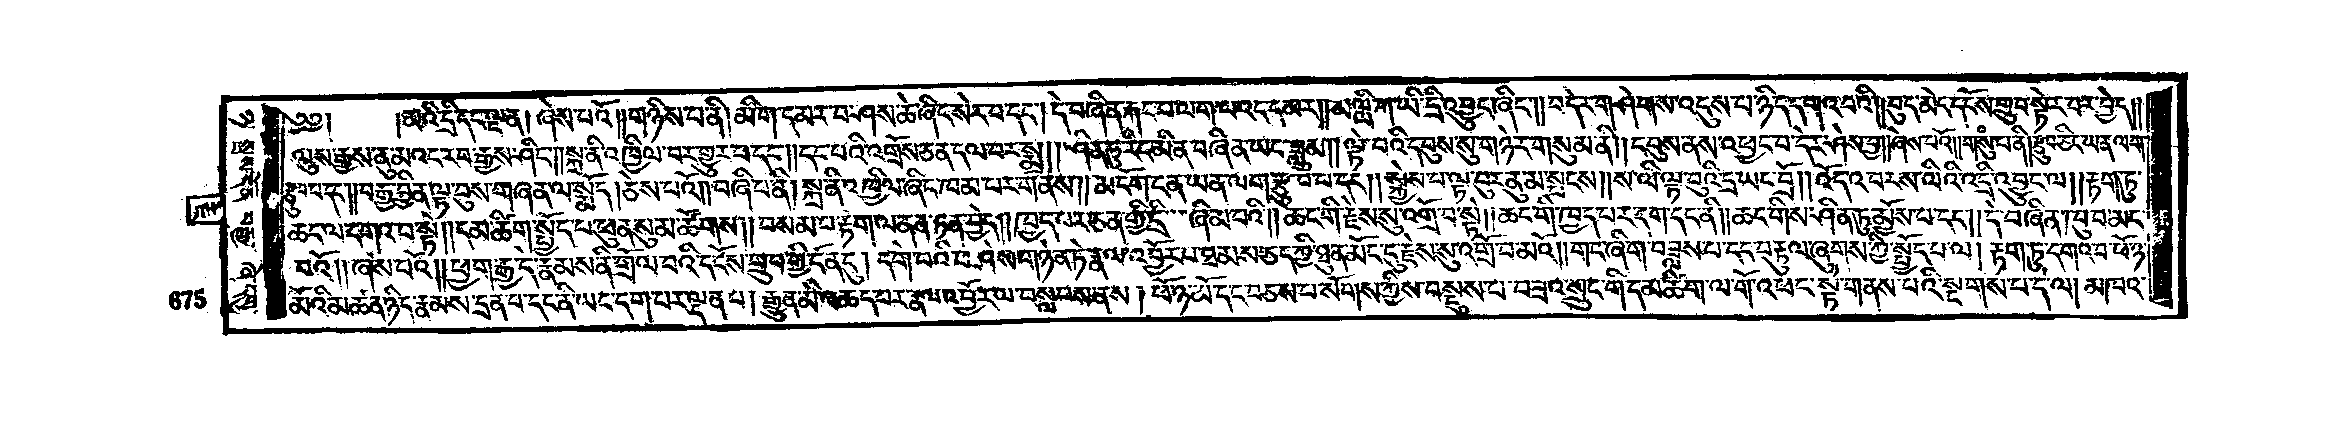༄༅། །མའི་དྲི་དང་ལྡན། ཞེས་པའོ། །གཉིས་པ་ནི། མིག་དམར་བ་ཤས་ཆེ་ཞིང་སེར་བ་དང་། དེ་བཞིན་རྐང་པ་ལག་པའང་དམར། །མལླི་ཀ་ཡི་དྲི་འབྱུང་ཞིང་། །བདེར་གཤེགས་འདུས་པ་ཉིད་དགའ་བའི། །བུད་མེད་དངོས་གྲུབ་སྟེར་བར་བྱེད། །
ལུས་རྒྱས་ནུ་མའང་རབ་རྒྱས་ཤིང་། །སྐྲ་ནི་འཁྱིལ་བར་གྱུར་པ་དང་། །ངང་པའི་འགྲོས་ཅན་དལ་བར་སྨྲ། །ཤིན་ཏུ་རིང་མིན་བཞིན་ཡང་ཟླུམ། །ལྟེ་བའི་དབུས་སུ་གཉེར་གསུམ་ནི། །དབུས་ནས་འཕྱང་བ་དེར་ཤེས་བྱ། །ཞེས་པའོ། །གསུམ་པ་ནི། རྩུབ་ཅིང་ཡན་ལག་
རྩུབ་པ་དང་། །བརྒྱ་བྱིན་ལྟ་བུས་གཞན་ལ་སྨོད། ཅེས་པའོ། །བཞི་པ་ནི། སྐྲ་ནི་འཁྱིལ་ཞིང་ཁམ་པར་གནས། །མདོག་ངན་ཡན་ལག་རྩུབ་པ་དང་། །སྐྱེས་པ་ལྟ་བུར་ནུ་མ་སྤངས། །ས་ལི་ལྟ་བུའི་དྲི་ཡང་བྲོ། །འོད་འབར་ས་ལིའི་འདྲི་འབྱུང་ལ། །རྟག་ཏུ་
ཆང་ལ་དགའ་བ་སྟེ། །དམ་ཚིག་སྤྱོད་པ་ཕུན་སུམ་ཚོགས། །བསམ་པ་རྟོག་ལ་ནན་ཏན་བྱེད། །ཁྱད་པར་ཅན་གྱི་དྲི་ཞིམ་པའི། །ཆང་གི་རྗེས་སུ་འགྲོ་བ་སྟེ། །ཆང་གི་ཁྱད་པར་དག་དང་ནི། །ཆང་གིས་ཤིན་ཏུ་མྱོས་པ་དང་། །དེ་བཞིན་ཁུ་བ་མང་
བའོ། །ཞེས་པའོ། །ཕྱག་རྒྱ་དེ་རྣམས་ནི་གྲོལ་བའི་དངོས་གྲུབ་གྱི་དོན་དུ། དགེ་བའི་བཤེས་གཉེན་ཏེ་རྣལ་འབྱོར་པ་ཐམས་ཅད་ཀྱི་ཐུན་མོང་དུ་རྗེས་སུ་འགྲོ་བ་མའོ། །གང་ཞིག་བཟླས་པ་དང་བརྟུལ་ཞུགས་ཀྱི་སྤྱོད་པ་ལ། རྟག་ཏུ་དགའ་བ་ཕོ་ཉ་
མོའི་མཚན་ཉིད་རྣམས་དྲན་པ་དང་ནི་ཡང་དག་པར་ལྡན་པ། རྒྱུན་མི་འཆད་པར་རྣལ་འབྱོར་ལ་བསླབས་ནས། ཕོ་ཉ་མོ་དང་བཅས་པ་སོགས་ཀྱིས་བསྡུས་པ་བཟའ་སྲུང་གི་དམ་ཚིག་ལ་གོ་འཕང་སྟེ་གནས་པའི་སྔགས་པ་དེ་ལ། མཁའ་